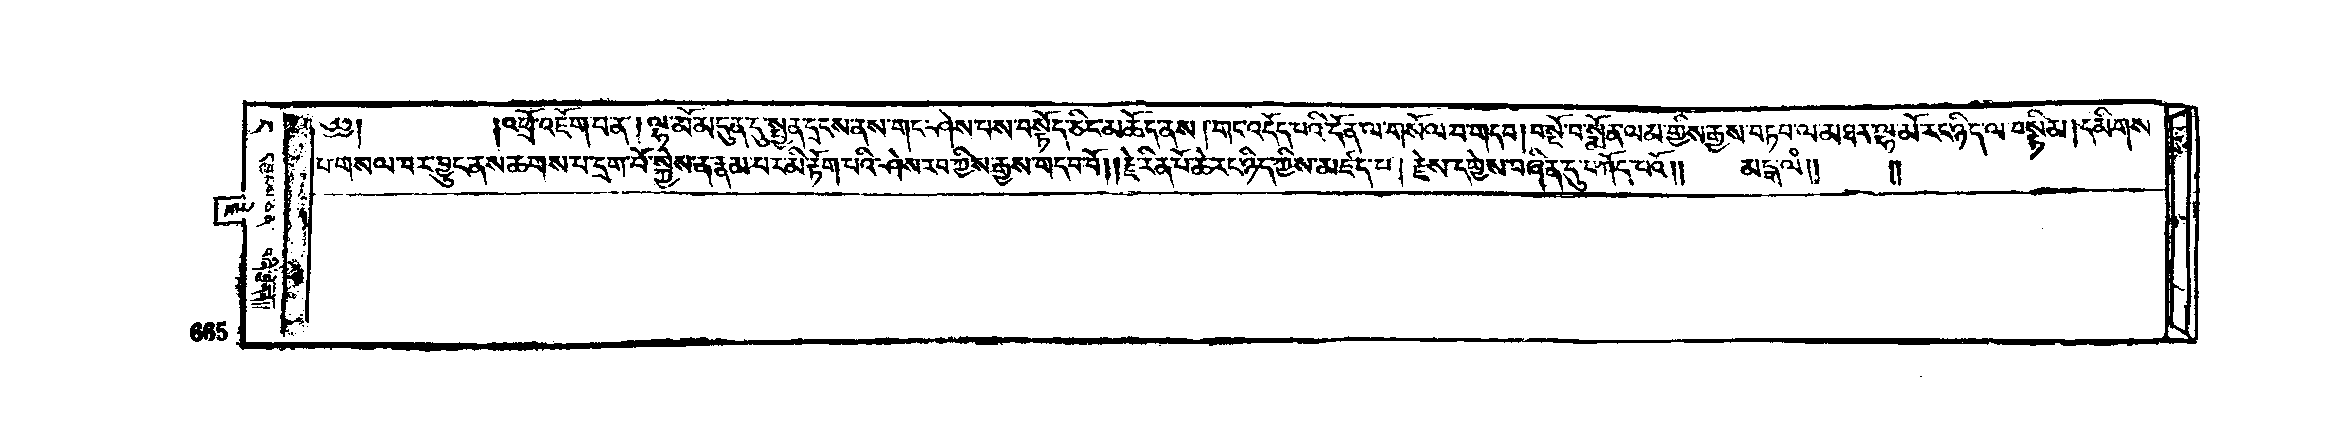༄༅། །འཕྲོ་འཇོག་པ་ན། ལྷ་མོ་མདུན་དུ་སྤྱན་དྲངས་ནས་གང་ཤེས་པས་བསྟོད་ཅིང་མཆོད་ནས། གང་འདོད་པའི་དོན་ལ་གསོལ་བ་གདབ། བསྔོ་བ་སྨོན་ལམ་གྱིས་རྒྱས་བཏབ་ལ་མཐར་ལྷ་མོ་རང་ཉིད་ལ་བསྟིམ། དམིགས་
པ་གསལ་བར་བྱུང་ནས་ཆགས་པ་དྲག་པོ་སྐྱེས་ན་རྣམ་པར་མི་རྟོག་པའི་ཤེས་རབ་ཀྱིས་རྒྱས་གདབ་བོ། །རྗེ་རིན་པོ་ཆེ་རང་ཉིད་ཀྱིས་མཛད་པ། རྗེས་དགྱེས་བཞིན་དུ་བཀོད་པའོ།། མངྒ་ལཾ།། །།